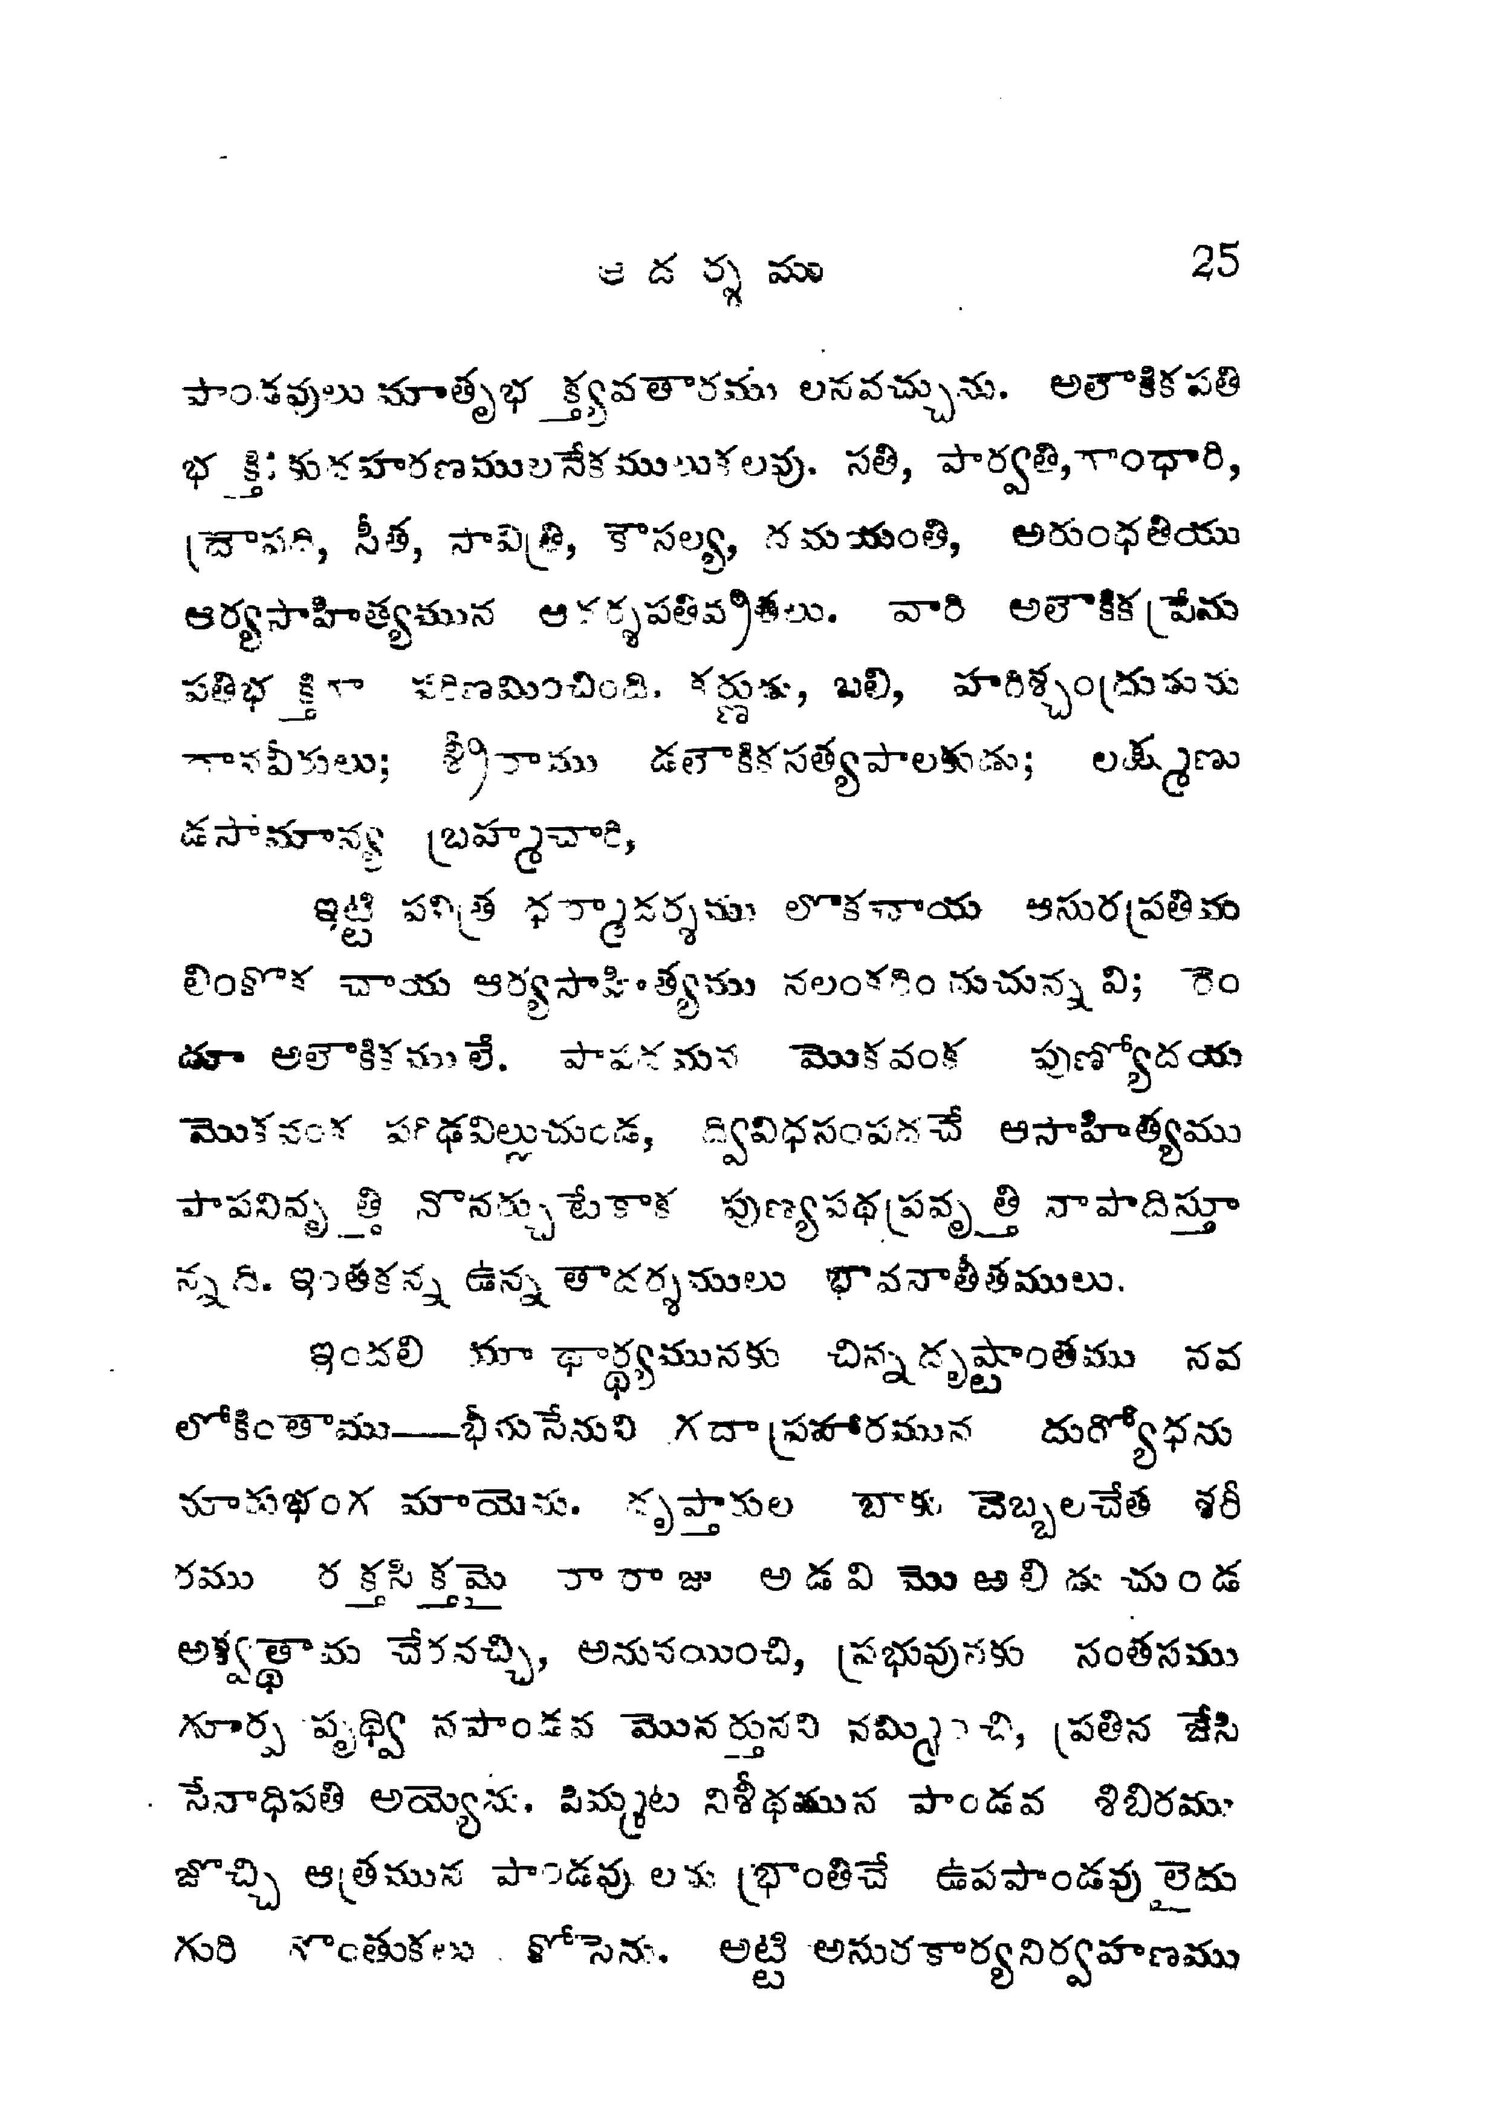పాండవులు మాతృభక్త్యవతారము లనవచ్చును. అలౌకికపతిభక్తి:కుదహరణములనేకములుకలవు. సతి, పార్వతి, గాంధారి, ద్రౌపది, సీత, సావిత్రి, కౌసల్య, దమయంతి, అరుంధతియు ఆర్యసాహిత్యమున ఆదర్శపతివ్రతలు. వారి అలౌకికప్రేమ పతిభక్తిగా పరిణమించింది. కర్ణుడు, బలి, హరిశ్చంద్రుడును దానవీరులు; శ్రీరాము డలౌకికసత్యపాలకుడు; లక్ష్మణు డసామాన్య బ్రహ్మచారి,

ఇట్టి పవిత్ర ధర్మాదర్శము లొకచాయ ఆసురప్రతిమ లింకొక చాయ ఆర్యసాహిత్యము నలంకరించుచున్నవి; రెండూ అలౌకికములే. పాపదమన మొకవంక పుణ్యోదయ మొకవంక పరిఢవిల్లుచుండ, ద్వివిధసంపదచే ఆసాహిత్యము పాపనివృత్తి నొనర్చుటేకాక పుణ్యపథప్రవృత్తి నాపాదిస్తూన్నది. ఇంతకన్న ఉన్నతాదర్శములు భావనాతీతములు. 

ఇందలి యా థార్థ్యమునకు చిన్నదృష్టాంతము నవలోకింతాము - భీమసేనుని గదాప్రహారమున దుర్యోధను మారుభంగ మాయెను. దృప్తారుల బాకు దెబ్బలచేత శరీరము రక్తసిక్తమై రారాజు అడవి మొఱలిడుచుండ అశ్వత్థామ చేరవచ్చి, అనునయించి, ప్రభువునకు సంతసము గూర్ప పృథ్వి నపాండవ మొనర్తునని నమ్మించి, ప్రతిన జేసి సేనాధిపతి అయ్యెను. పిమ్మట నిశీథమున పాండవ శిబిరము జొచ్చి ఆత్రమున పాండవు లను భ్రాంతిచే ఉపపాండవులైదుగురి గొంతుకలు కోసెను. అట్టి అసురకార్యనిర్వహణము